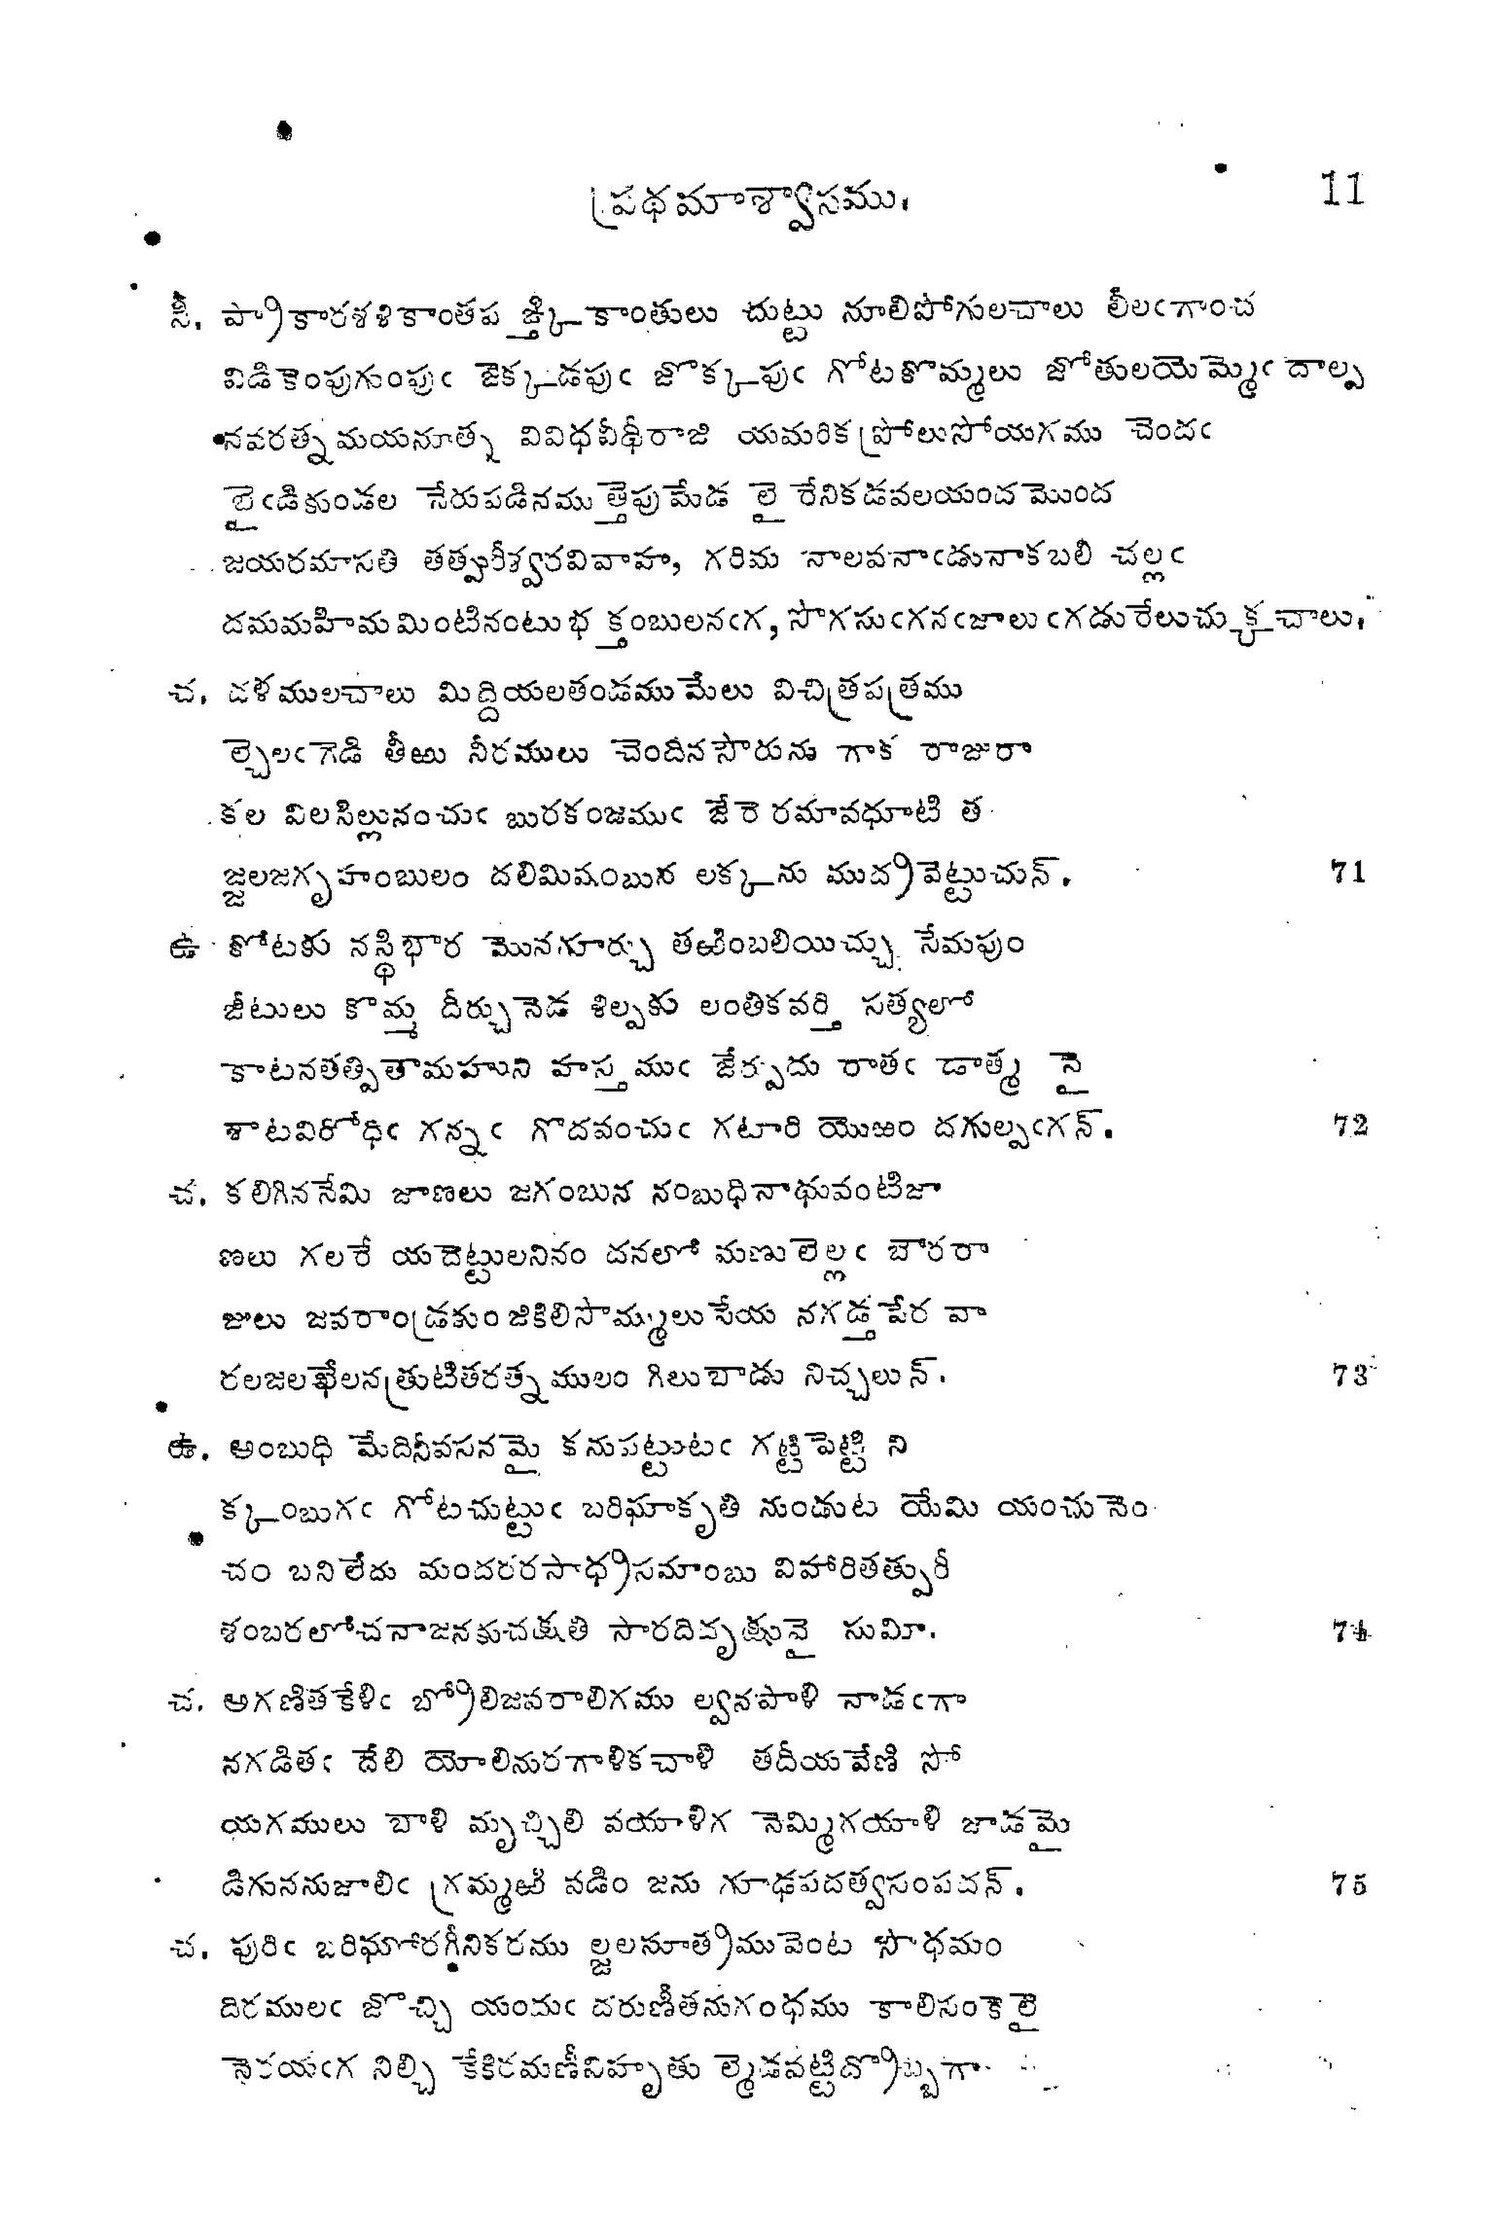సీ. ప్రాకారశశికాంతపఙ్క్తికాంతులు చుట్టు నూలిపోగులచాలు లీలఁ గాంచ
విడికెంపుగుంపుఁ జెక్కడపుఁ జొక్కపుఁ గోటకొమ్మలు జోతులయెమ్మెఁ దాల్ప
నవరత్నమయనూత్నవివిధవీథీరాజి యమరికప్రోలుసోయగము చెందఁ
బైఁడికుండల నేరుపడినముత్తెపుమేడ లై రేనికడవలయంద మొంద
జయరమాసతి తత్పురీశ్వరవివాహ, గరిమ నాలవనాఁడు నాకబలి చల్లఁ
దమమహిమ మింటినంటు భక్తంబు లనఁగ, సొగసుఁ గనఁజాలుఁ గడురేలుచుక్కచాలు.
చ. దళములచాలు మిద్దియలతండముమేలు విచిత్రపత్రము
ల్చెలఁగెడితీఱు నీరములు చెందినసౌరును గాక రాజురా
కల విలసిల్లునంచుఁ బురకంజముఁ జేరె రమావధూటి త
జ్జలజగృహంబులం దలిమిషంబున లక్కను ముద్రవెట్టుచున్.
ఉ. కోటకు నస్థిభార మొనగూర్చుతఱిం బలియిచ్చు సేమపుం
జీటులు కొమ్మ దీర్చునెడ శిల్పకు లంతికవర్తి సత్యలో
కాటనతత్పితామహుని హస్త ముఁ జేర్పుదు రాతఁ డాత్మ నై
శాటవిరోధిఁ గన్నఁ గొదవంచుఁ గటారి యొఱం దగుల్పఁగన్.
చ. కలిగిన నేమి జాణలు జగంబున నంబుధినాథువంటిజా
ణలు గలరే యదెట్టులనినం దనలో మణులెల్లఁ బౌరరా
జులు జవరాండ్రకుం జికిలిసొమ్ములు సేయ నగడ్తపేర వా
రలజలఖేలనత్రుటితరత్నములం గిలుబాడు నిచ్చలున్.
ఉ. అంబుధి మేదినీవసనమై కనుపట్టుటఁ గట్టిపెట్టి ని
క్కంబుగఁ గోటచుట్టుఁ బరిఘాకృతి నుండుట యేమి యంచు నెం
చం బని లేదు మందరరసాధ్రసమాంబువిహారితత్పురీ
శంబరలోచనాజనకుచక్షతి సారదిదృక్షువై సుమీ.
చ. అగణితకేళిఁ బ్రోలిజవరాలిగము ల్వనపాళి నాడఁగా
నగడితఁ దేలి యోలినురగాళికచాళి తదీయవేణి సో
యగములు బాళి మృచ్చిలి వయాళిగ నెమ్మిగయాళి జాడమై
డిగుననుజాలిఁ గ్రమ్మఱి నడిం జను గూఢపదత్వసంపదన్.
చ. పురిఁ బరిఘోరీనికరము ల్జలసూత్రమువెంట సౌధమం
దిరములఁ జొచ్చి యందుఁ దరుణీతనుగంధము కాలిసంకెలై
నెరయఁగ నిల్చి కేకిరమణీనిహృతు ల్మెడవట్టిద్రొబ్బగా